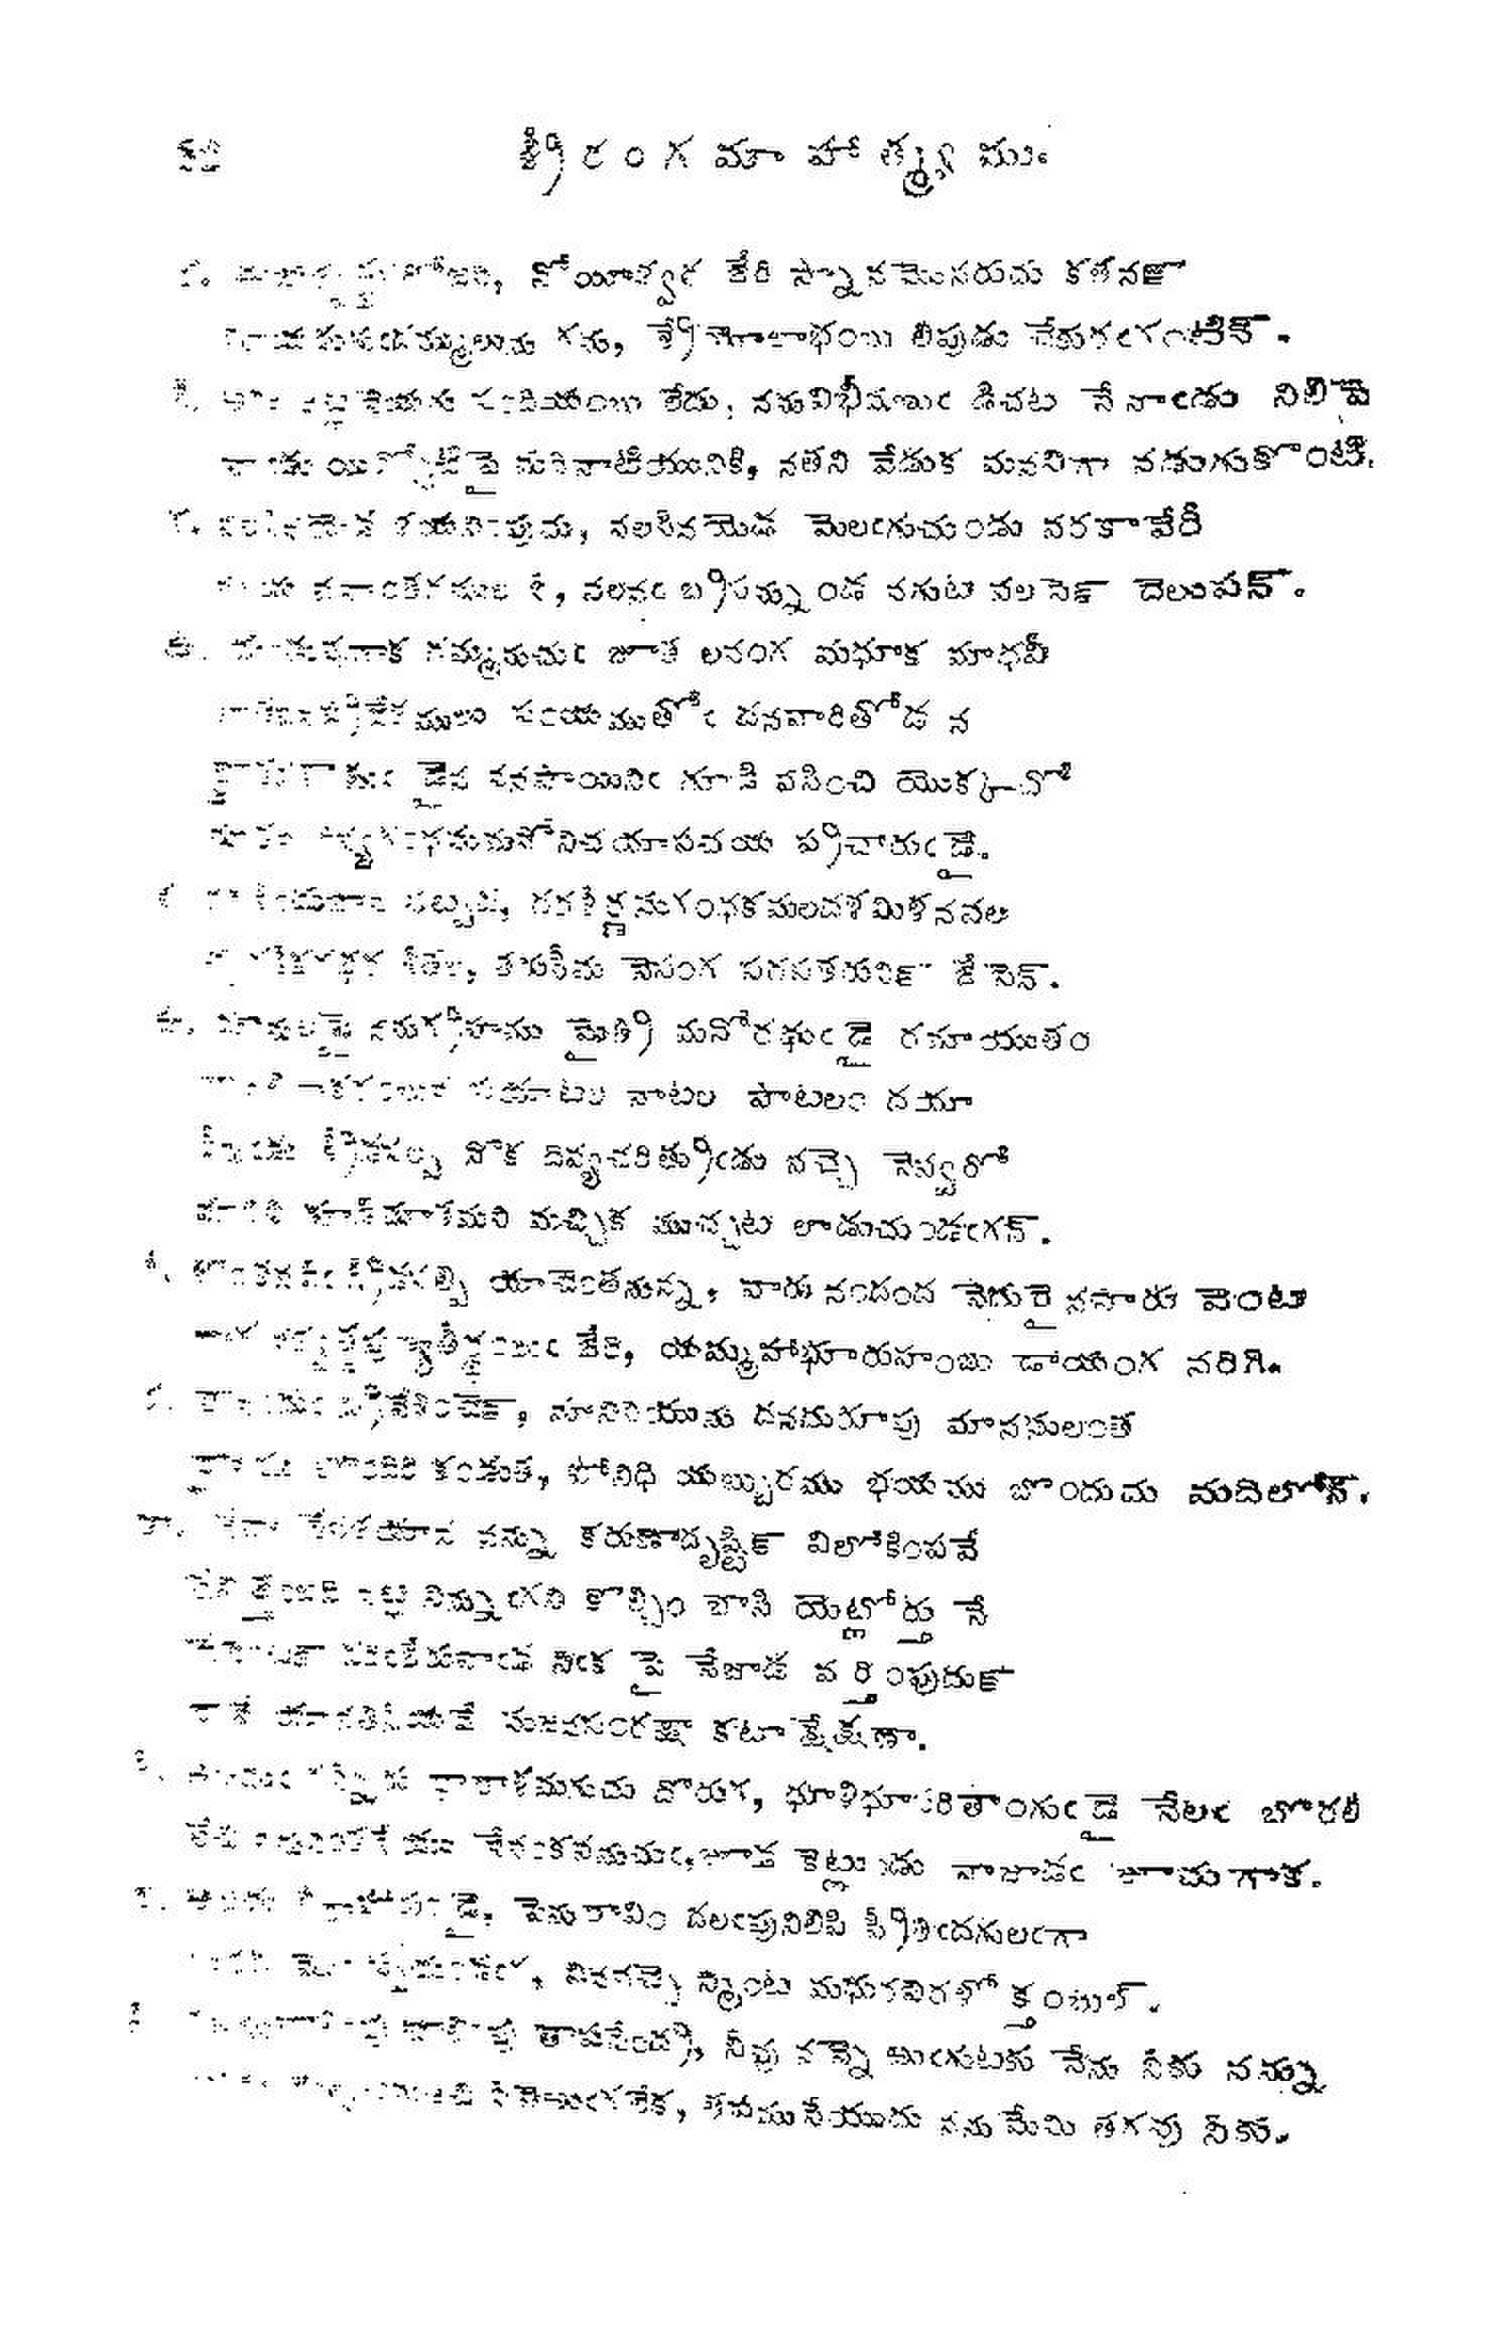క. ఈయశ్వత్థసరోజిని, నోయీశ్వర జేరి స్నాన మొనరుచు కతనన్
 మీయడుగుదమ్ములును గను, శ్రేయోలాభంబు లిపుడు చేకురఁగంటిన్.
గీ. అనిన నట్లనెయగు సందియము లేదు, నను విభీషణుఁ డిచట నేనాఁడు నిలిపె
 నాఁడు యిచ్చోటిపై మదినాటియునికి, నతని వేడుక మనవిగా నడగుకొంటి.
క. నలసినయెడ శయనింపుచు, వలసినయెడ మెలఁగుచుండు వరకావేరీ
 మలవనాంతరముల నీ, వలనఁ బ్రసన్నుండ నగుట వలసెన్ దెలుపన్.
ఉ. చూతువుగాక రమ్మనుచుఁ జూత లవంగ మధూక మాధవీ
 జాతవనప్రదేశములు సంయముతోఁ దనవారితోడ న
 బ్జాతదశాక్షుఁడైన వనపాయిని గూడి వసించి యొక్కచో
 నూతనదివ్యగంధనుమనోనిచయాపచయ ప్రచారుఁడై.
క. వరసింధుపానషట్పద, దరశీర్ణసుగంధకమలదళమిళనవల
 వరశీకరభరశీతల, తరుసీమ నెసంగ సరసతరునిన్ జేసెన్.
ఉ. మౌనులపై ననుగ్రహము మైత్రి మనోరథుఁడై రమాయుతం
 బానలినాకరంబున సయాటల నాటల పాటలం దయా
సీనుఁడు క్రీడసల్ప నొకదివ్యచరిత్రుఁడు వచ్చె నెవ్వరో
 మానిని కూడిచూతమని మచ్చిక ముచ్చట లాడుచుండఁగన్.
గీ. కొంతవడిఁ గ్రీడసల్పి యాచెంతనున్న, వారు నందంద నెదురైనవారు వెంట
 రాగ నశ్వత్థపుణ్యతీర్థంబుఁ జేరి, యమ్మహాభూరుహంబు డాయంగ నరిగి.
క. తా నందుఁ బ్రవేశించెన్, మానినయును దనదురూపు మానసులంత
 ర్ధానము లొందిరి కండుత, పోనిధి యబ్బురము భయము బొందుచు మదిలోన్.
శా. దేవా శేషశయాన నన్ను కరుణాదృష్టిన్ విలోకింపవే
 యేవిత్తం బది నట్ల నిన్నుఁ గని కొల్చిం బాసి యెట్లోరు నే
 నేవెంటన్ దరిఁజేరువాఁడ నిఁక పై నేజాడ వర్తింపుదున్
 రావే యానతి నీయవే సుజనసంరక్షా కటాక్షేక్షణా.
గీ. అనుచుఁ గన్నీరు ధారాళమగుచు దొరుగ, ధూళిధూసరితాంగుఁడై నేలఁ బొరలి
 లేచి ననునింతసేయు నేవంకననుచుఁ, జూడ కెట్లుండు నాజాడఁ జూచుగాక.
క. అనుచు నిరాహారుండై, పెనురావిం దలఁపు నిలిపి ప్రీతిఁ దగులఁగా
 ఘనతప మొనర్పుచుండఁగ, వినవచ్చె న్వింట మధురవిరళోక్తంబుల్.
గీ. తపము చాలింపు చాలింపు తాపసేంద్ర, నీవు నన్నెఱుఁగుటకు నేను నీకు నన్ను
 యెదుఱు తెచ్చిన మఱచి నీ వెఱుఁగలేక, తపము సేయుదు నను మేమి తగవు నీకు.